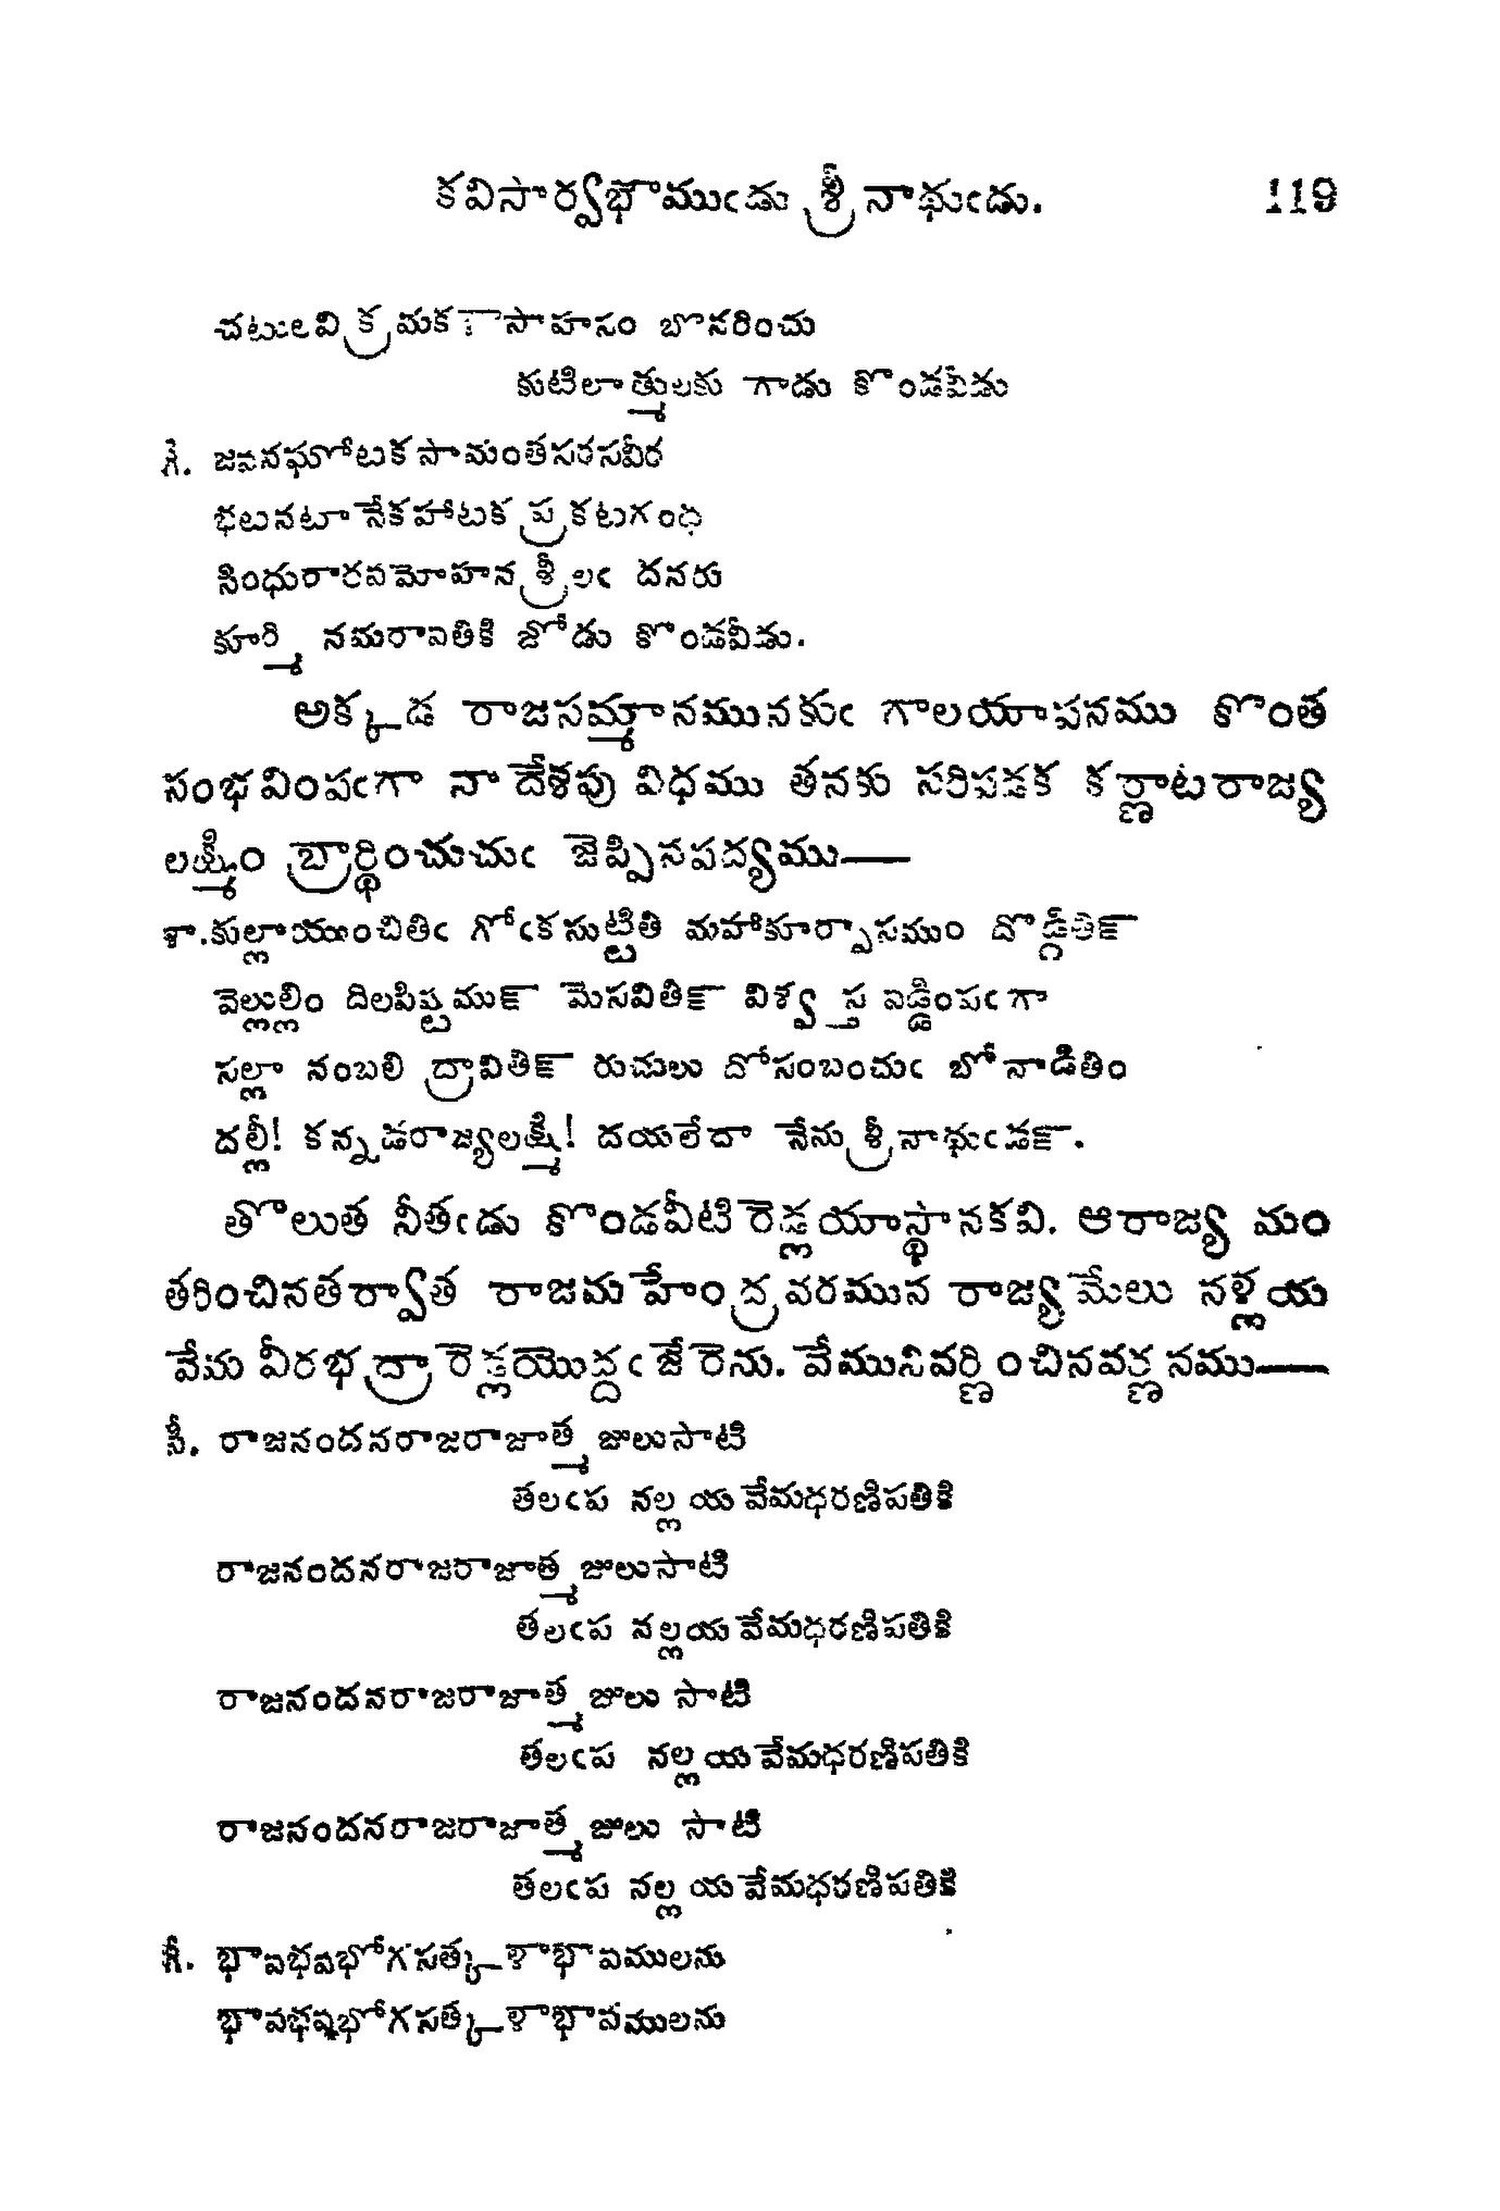చటులవిక్రమకళాసాహసం బొనరించు
 కుటిలాత్ములకు గాడు కొండవీడు
తే. జవనఘోటకసామంతసరసవీర
 భటనటానేకహాటకప్రకటగంధ
 సింధురారవమోహనశ్రీలఁ దనరు
 కూర్మి నమరావతికి జోడు కొండవీడు.
అక్కడ రాజసమ్మానమునకుఁ గాలయాపనము కొంత సంభవింపఁగా నాదేశపు విధము తనకు సరిపడక కర్ణాటరాజ్యలక్ష్మిం బ్రార్థించుచుఁ జెప్పిన పద్యము—
శా. కుల్లాయుంచితిఁ గోఁక సుట్టితి మహాకూర్పాసముం దొడ్గితిన్
 వెల్లుల్లిం దిలపిష్టమున్ మెసివితిన్ విశ్వస్త వడ్డింపఁగా
 సల్లా నంబలిఁ ద్రావితిన్ రుచులు దోసం బంచుఁ బోనాడితిం
 దల్లీ! కన్నడరాజ్యలక్ష్మి! దయలేదా నేను శ్రీనాథుఁడన్.
తొలుత నీతఁడు కొండవీటిరెడ్లయాస్థానకవి. ఆరాజ్య మంతరించినతర్వాత రాజమహేంద్రవరమున రాజ్యమేలు నళ్లయవేమవీరభద్రారెడ్లయొద్దఁ జేరెను. వేముని వర్ణించిన వర్ణనము—
సీ. రాజనందనరాజరాజాత్మజులు సాటి
 తలఁప నల్లయవేమధరణిపతికి
 రాజనందనరాజరాజాత్మజులు సాటి
 తలఁప నల్లయవేమధరణిపతికి
 రాజనందనరాజరాజాత్మజులు సాటి
 తలఁప నల్లయవేమధరణిపతికి
 రాజనందనరాజరాజాత్మజులు సాటి
 తలఁప నల్లయవేమధరణిపతికి
తే. భావభవభోగసత్కళాభావములను
 భావభవభోగసత్కళాభావములను